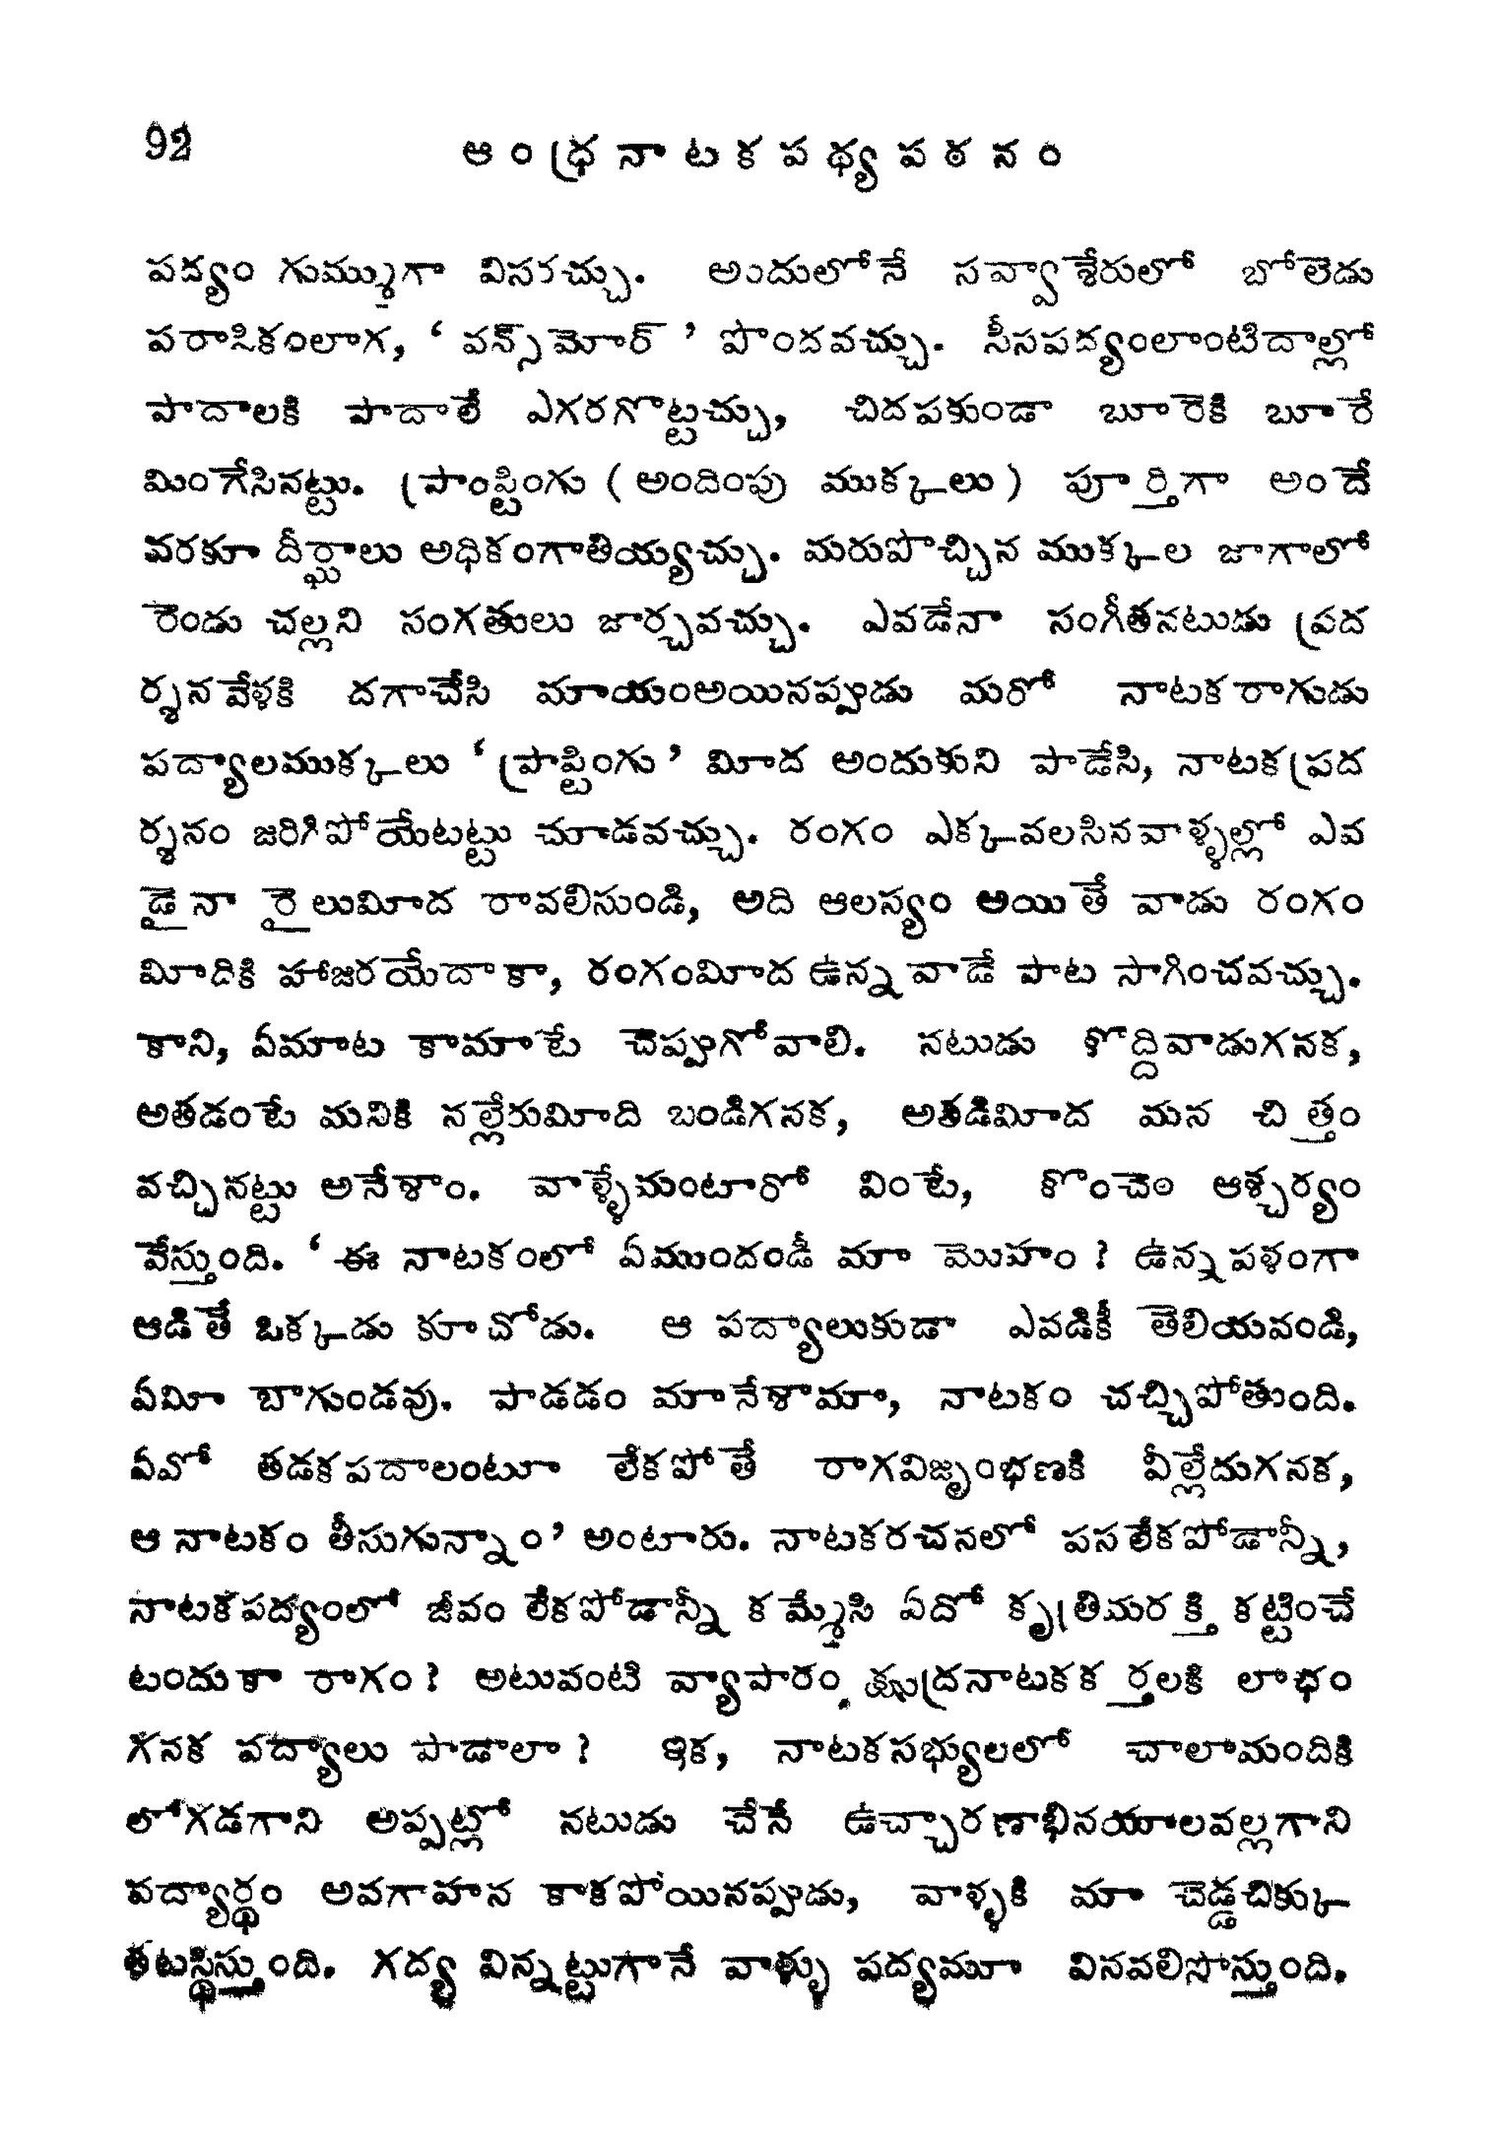పద్యం గుమ్ముగా విసరచ్చు. అందులోనే సవ్వాశేరులో బోలెడు
పరాసికంలాగ, 'వన్స్‌మోర్ ' పొందవచ్చు. సీసపద్యంలాంటిదాల్లో
పాదాలకి పాదాలే ఎగరగొట్టచ్చు, చిదపకుండా బూరెకి బూరే
మింగేసినట్టు. ప్రాంప్టింగు ( అందింపు ముక్కలు) పూర్తిగా అందే
వరకూ దీర్ఘాలు అధికంగాతియ్యచ్చు. మరుపొచ్చిన ముక్కల జాగాలో
రెండు చల్లని సంగతులు జార్చవచ్చు. ఎవడేనా సంగీతనటుడు ప్రద
ర్శనవేళకి దగాచేసి మాయంఅయినప్పుడు మరో నాటకరాగుడు
పద్యాలముక్కలు ' ప్రాప్టింగు' మీద అందుకుని పాడేసి, నాటకప్రద
ర్శనం జరిగిపోయేటట్టు చూడవచ్చు. రంగం ఎక్కవలసినవాళ్ళల్లో ఎవ
డైనా రైలుమీద రావలిసుండి, అది ఆలస్యం అయితే వాడు రంగం
మీదికి హాజరయేదాకా, రంగంమీద ఉన్నవాడే పాట సాగించవచ్చు.
కాని, ఏమాట కామాటే చెప్పుగోవాలి. నటుడు కొద్దివాడుగనక,
అతడంటే మనికి నల్లేరుమీది బండిగనక, అతడిమీద మన చిత్తం
వచ్చినట్టు అనేశాం. వాళ్ళేమంటారో వింటే, కొంచెం ఆశ్చర్యం
వేస్తుంది. 'ఈ నాటకంలో ఏముందండీ మా మొహం ? ఉన్నపళంగా
ఆడితే ఒక్కడు కూచోడు. ఆ ఆ పద్యాలుకుడా ఎవడికీ తెలియవండి,
ఏమీ బాగుండవు. పాడడం మానేశామా, నాటకం చచ్చిపోతుంది.
ఏవో తడకపదాలంటూ లేకపోతే రాగవిజృంభణకి వీల్లేదుగనక,
ఆ నాటకం తీసుగున్నాం' అంటారు. నాటకరచనలో పసలేకపోడాన్నీ,
నాటకపద్యంలో జీవం లేకపోడాన్నీ కమ్మేసి ఏదో కృత్రిమరక్తి కట్టించే
టందుకా రాగం ? అటువంటి వ్యాపారం క్షుద్రనాటకకర్తలకి లాభం
గనక పద్యాలు పాడాలా ? ఇక, నాటకసభ్యులలో చాలామందికి
లోగడగాని అప్పట్లో నటుడు చేసే ఉచ్చారణాభినయాలవల్లగాని
పద్యార్థం అవగాహన కాకపోయినప్పుడు, వాళ్ళకి మా చెడ్డచిక్కు
తటస్థిస్తుంది. గద్య విన్నట్టుగానే వాళ్ళు పద్యమూ వినవలిసొస్తుంది.